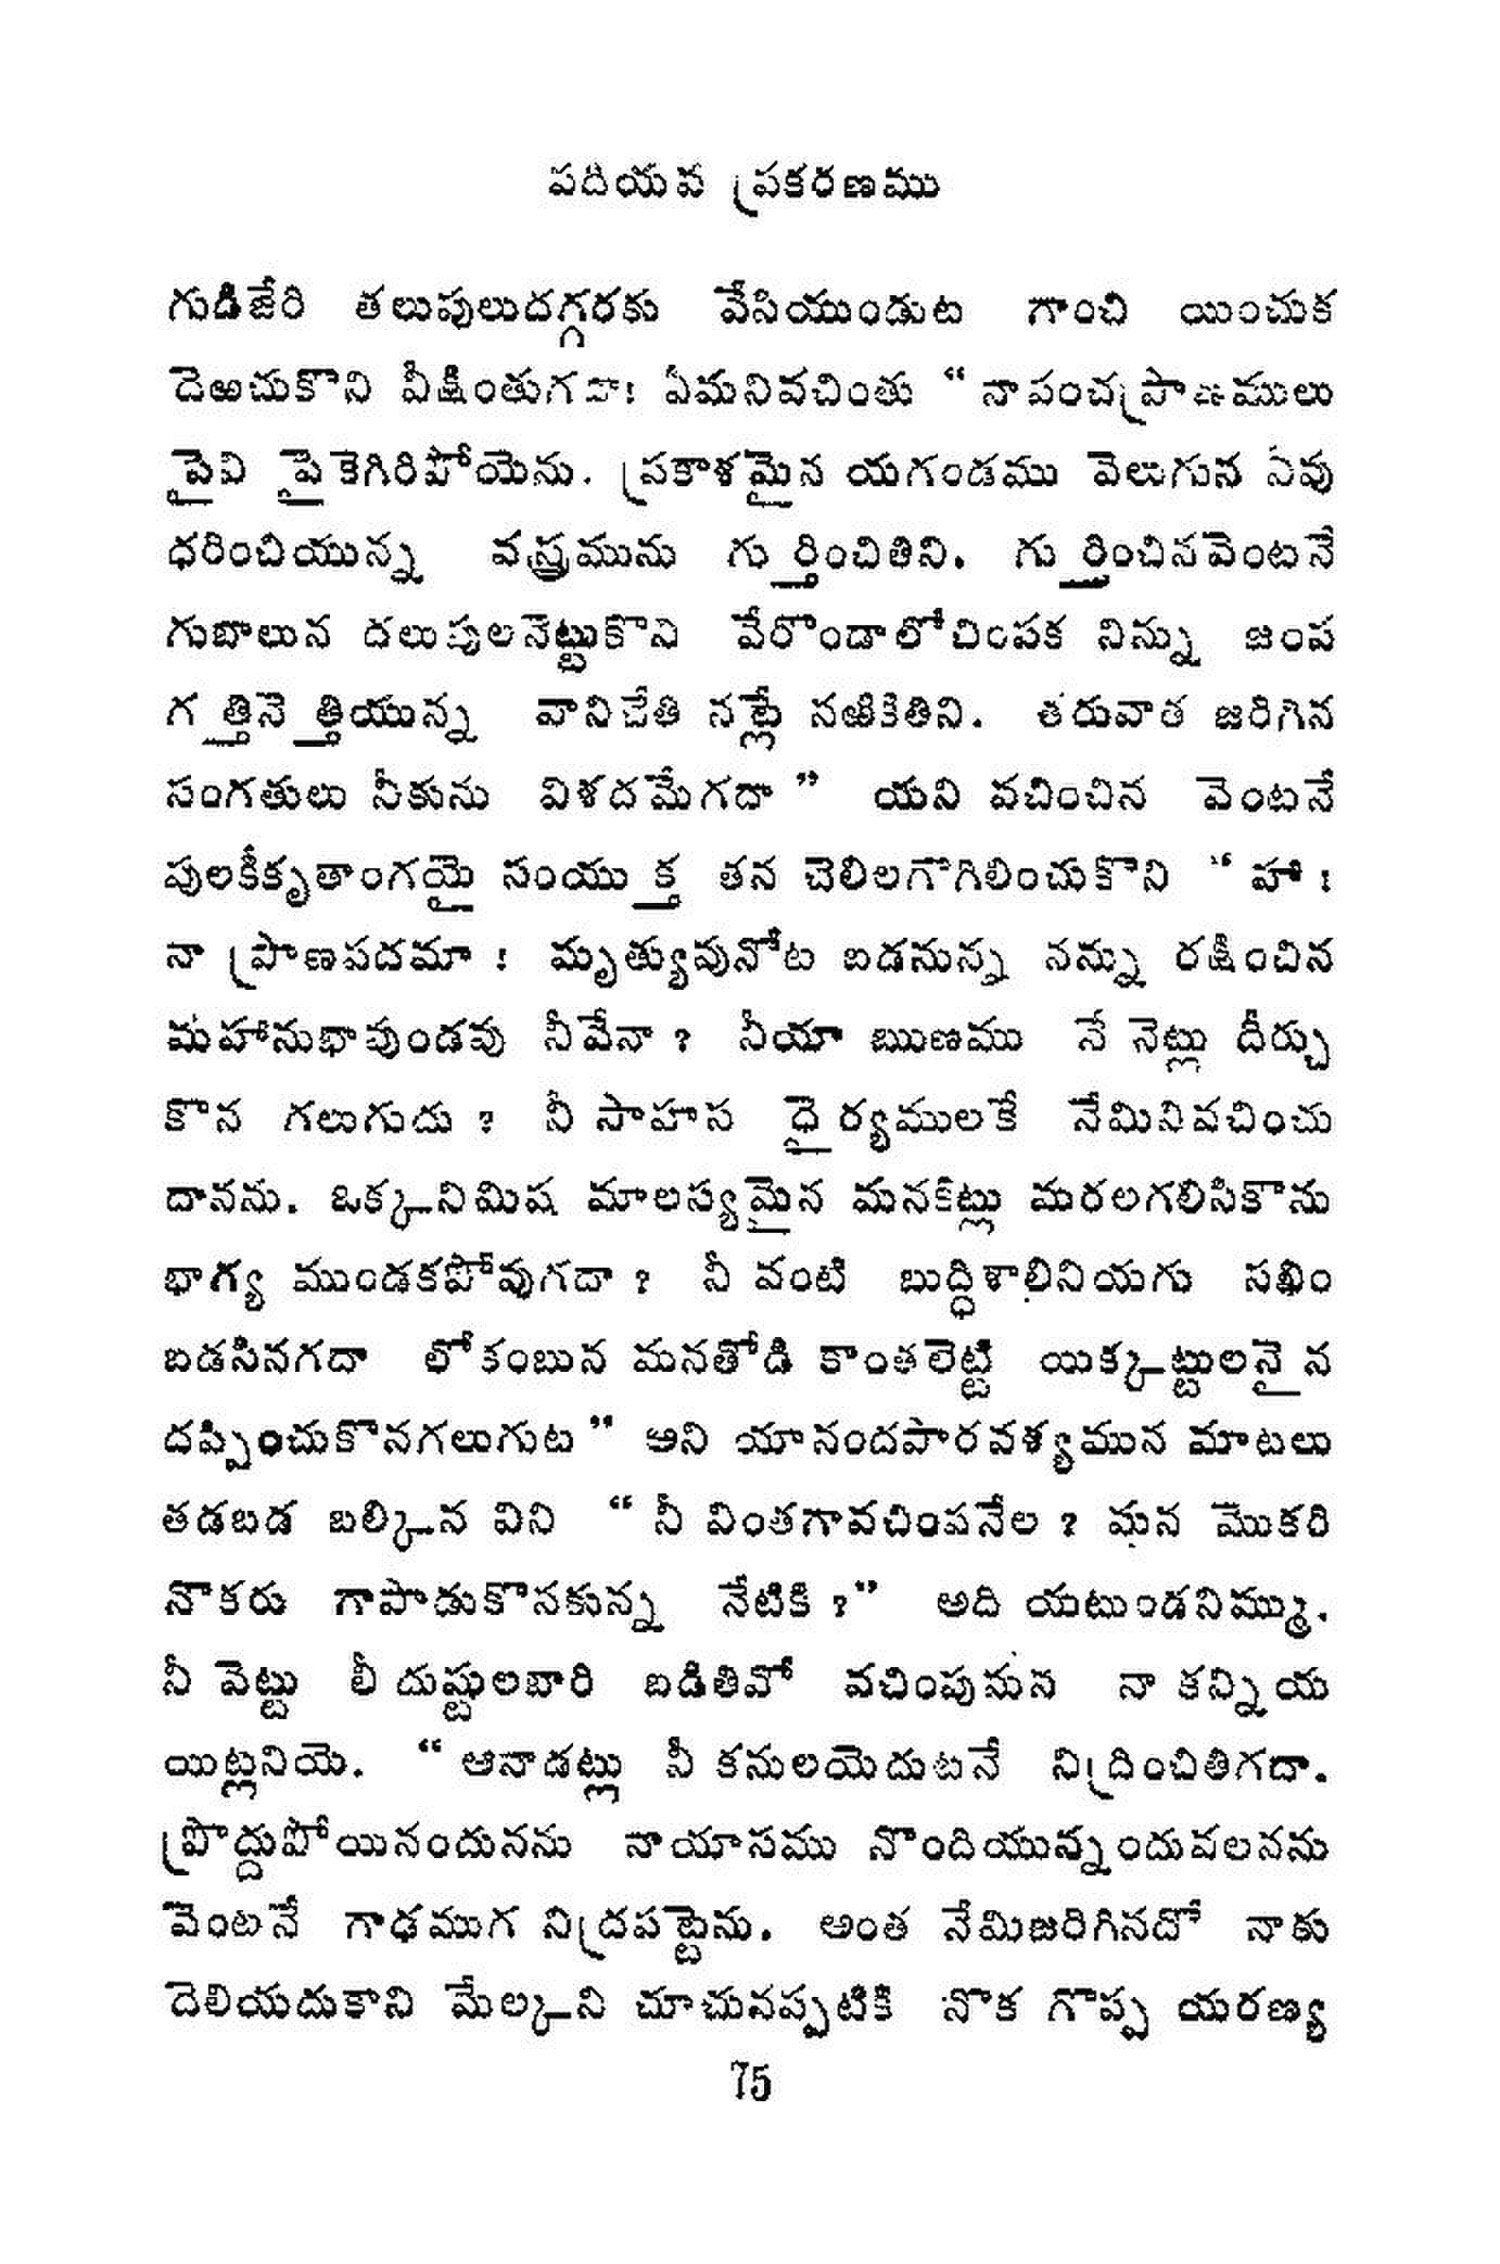గుడిజేరి తలుపులుదగ్గరకు వేసియుండుట గాంచి యించుక దెఱచుకొని వీక్షింతుగదా! ఏమనివచింతు “నా పంచప్రాణములు పైవి పైకెగిరిపోయెను. ప్రకాశమైన యగండము వెలుగున నీవు ధరించియున్న వస్త్రమును గుర్తించితిని. గుర్తించినవెంటనే గుబాలున దలుపులనెట్టుకొని వేరొండాలోచింపక నిన్ను జంప గత్తినెత్తియున్న వానిచేతి సట్లే నఱికితిని. తరువాత జరిగిన సంగతులు నీకును విశదమేగదా” యని వచించిన వెంటనే పులకీకృతాంగయై సంయుక్త తన చెలిల గౌగిలించుకొని " హా ! నా ప్రాణపదమా ! మృత్యువునోట బడనున్న నన్ను రక్షించిన మహానుభావుండవు నీవేనా ? నీయా ఋణము నే నెట్లు దీర్చుకొన గలుగుదు? నీ సాహస ధైర్యములకే నేమినివచించుదానను. ఒక్కనిమిష మాలస్యమైన మనకిట్లు మరలగలిసికానుభాగ్య ముండకపోవుగదా? నీ వంటి బుద్ధిశాలినియగు సఖిం బడసినగదా లోకంబున మనతోడి కాంతలెట్టి యిక్కట్టులనైన దప్పించుకొనగలుగుట " అని యానందపారవశ్యమున మాటలు తడబడ బల్కిన విని “నీ వింతగావచింపనేల ? మన మొకరి నొకరు గాపాడుకొనకున్న నేటికి?" అది యటుండనిమ్ము, నీ వెట్టు లీ దుష్టులబారి బడితివో వచింపుమన నా కన్నియ యిట్లనియె. “ఆనాడట్లు నీ కనులయెదుటనే నిద్రించితిగదా. ప్రొద్దుపోయినందునను నాయాసము నొంది యున్నందువలనను వెంటనే గాఢముగ నిద్రపట్టెను. అంత నేమిజరిగినదో నాకు దెలియదుకాని మేల్కని చూచునప్పటికి నొక గొప్ప యరణ్య